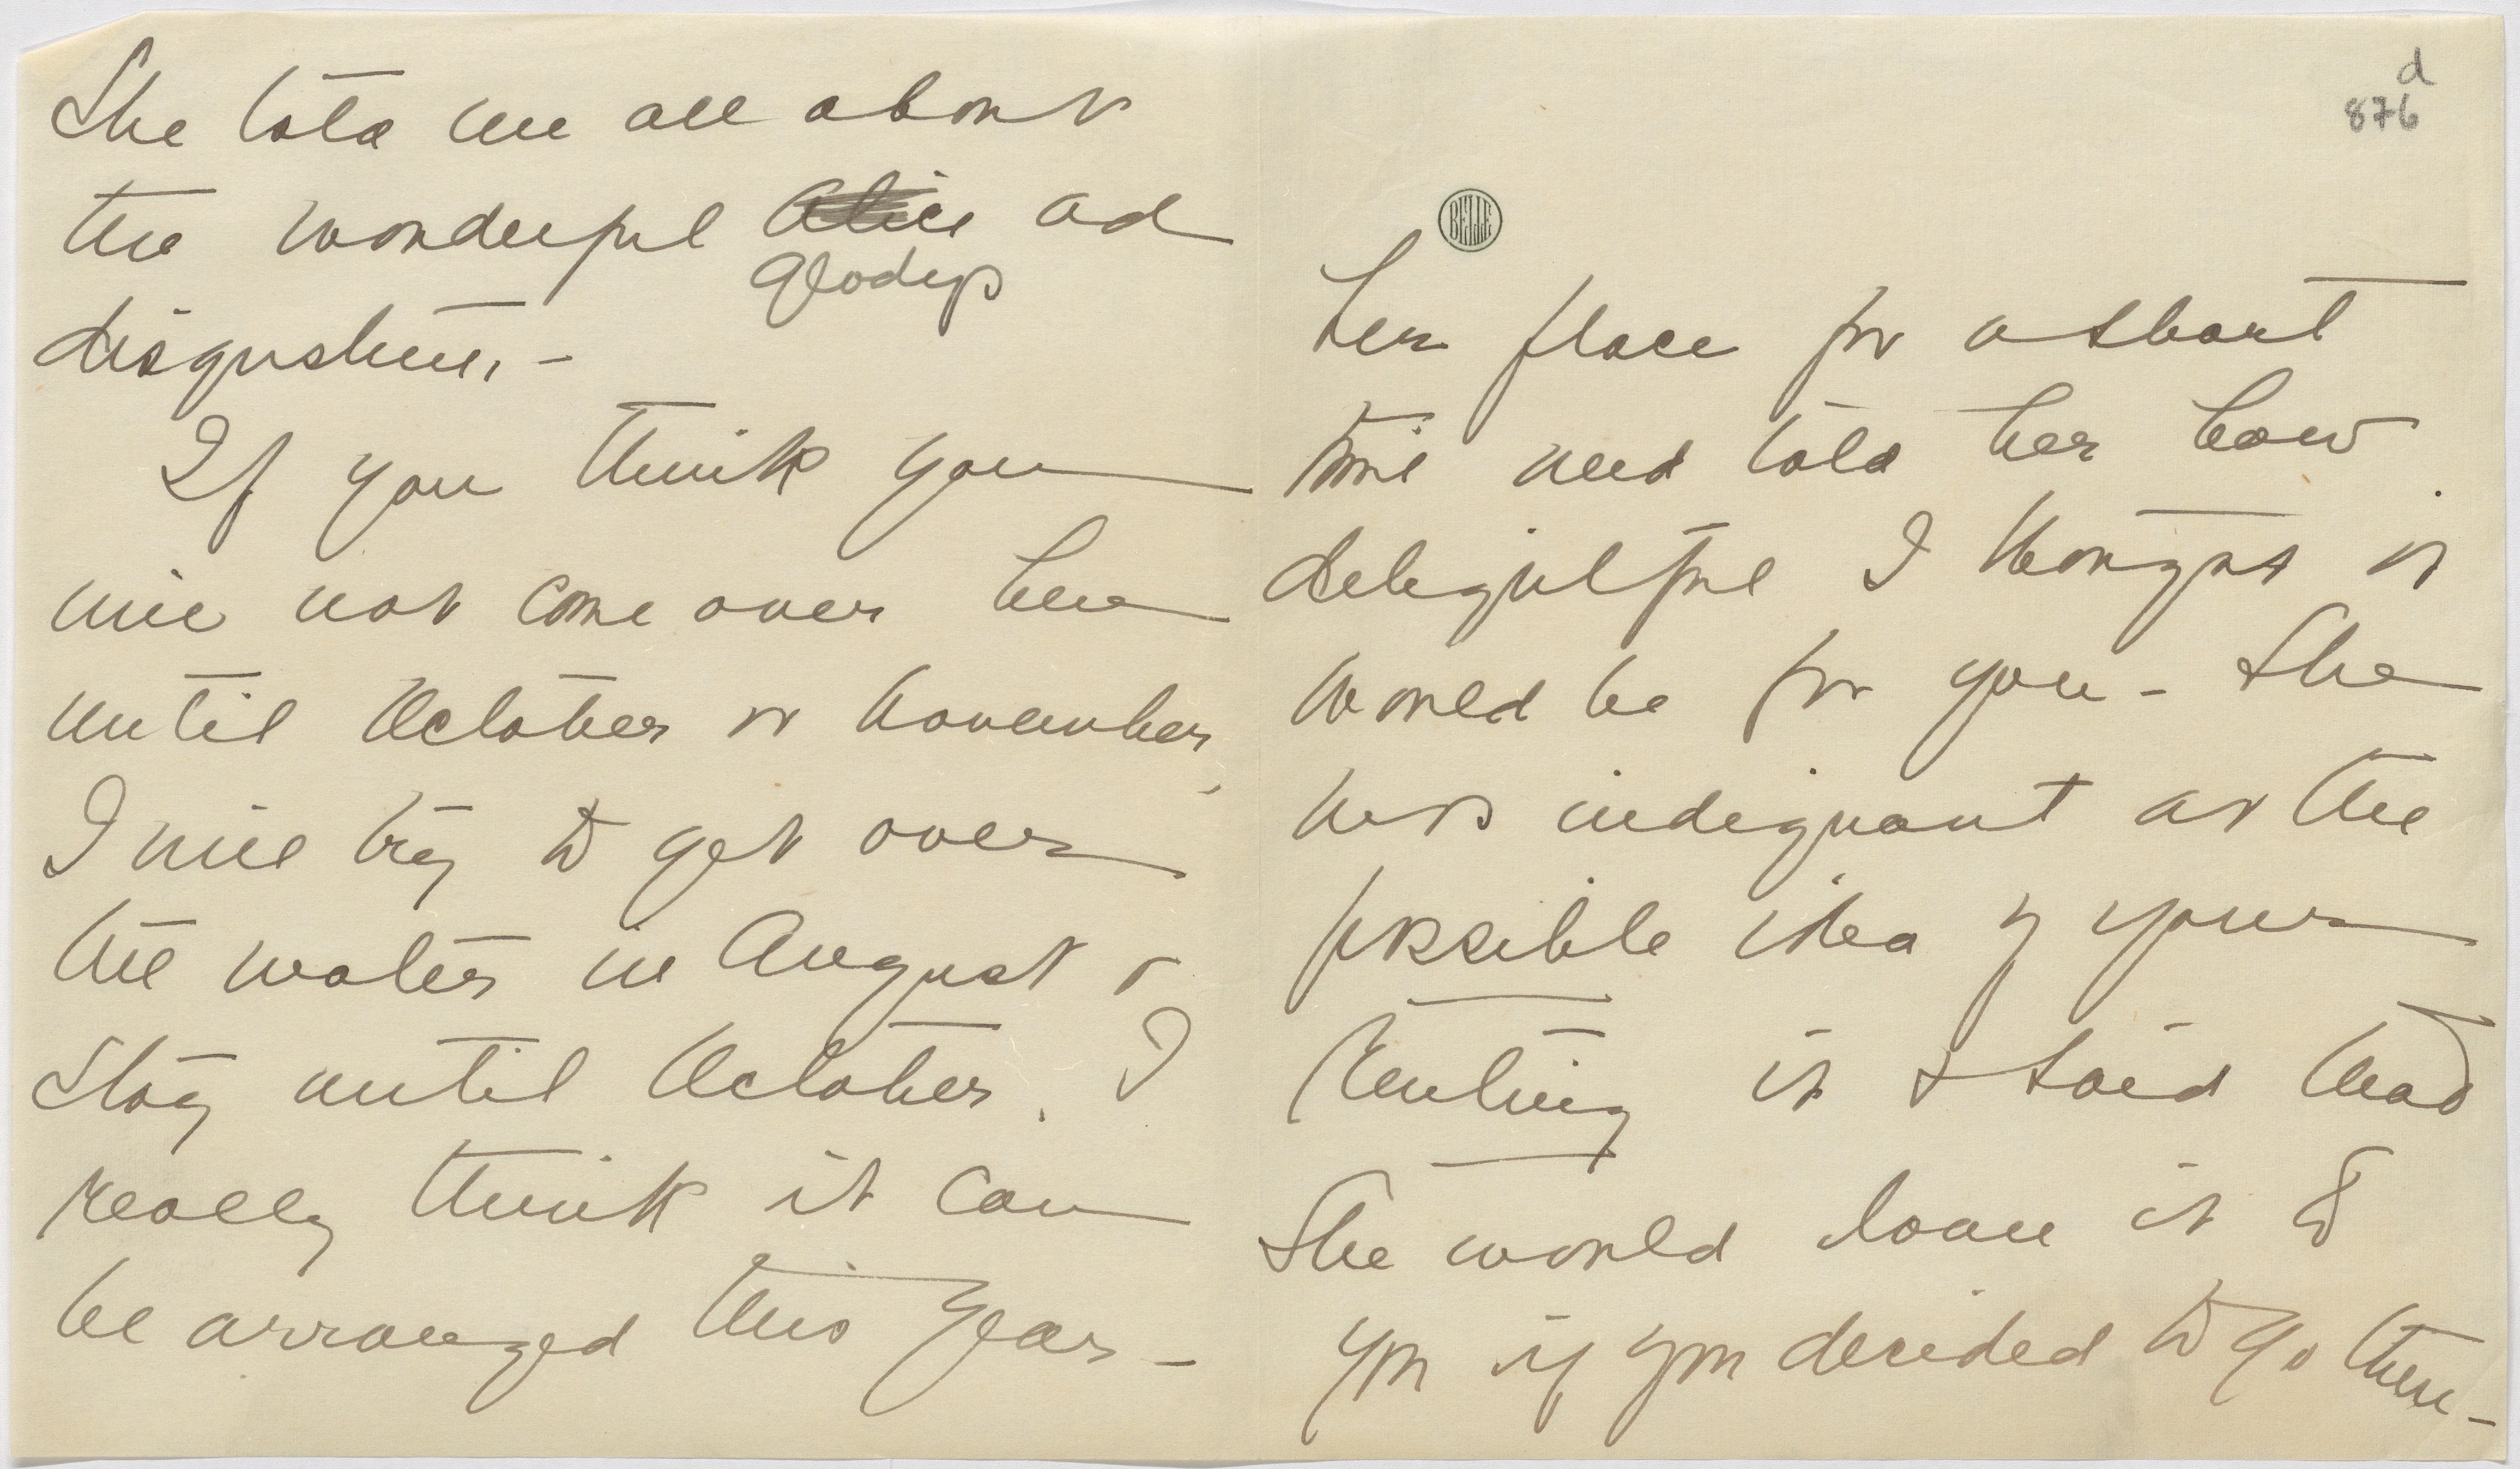her place for a short time and told her how delightful I thought it would be for you – She was indignant at the possible idea of your renting it & said that She would loan it to you if you decided to go there –
She told me all about the wonderful Alice [ˆGladysˆ] ad disgustum –
If you think you will not come over here until October or November, I will try to get over the water in August & stay until October. I really think it can be arranged this year –